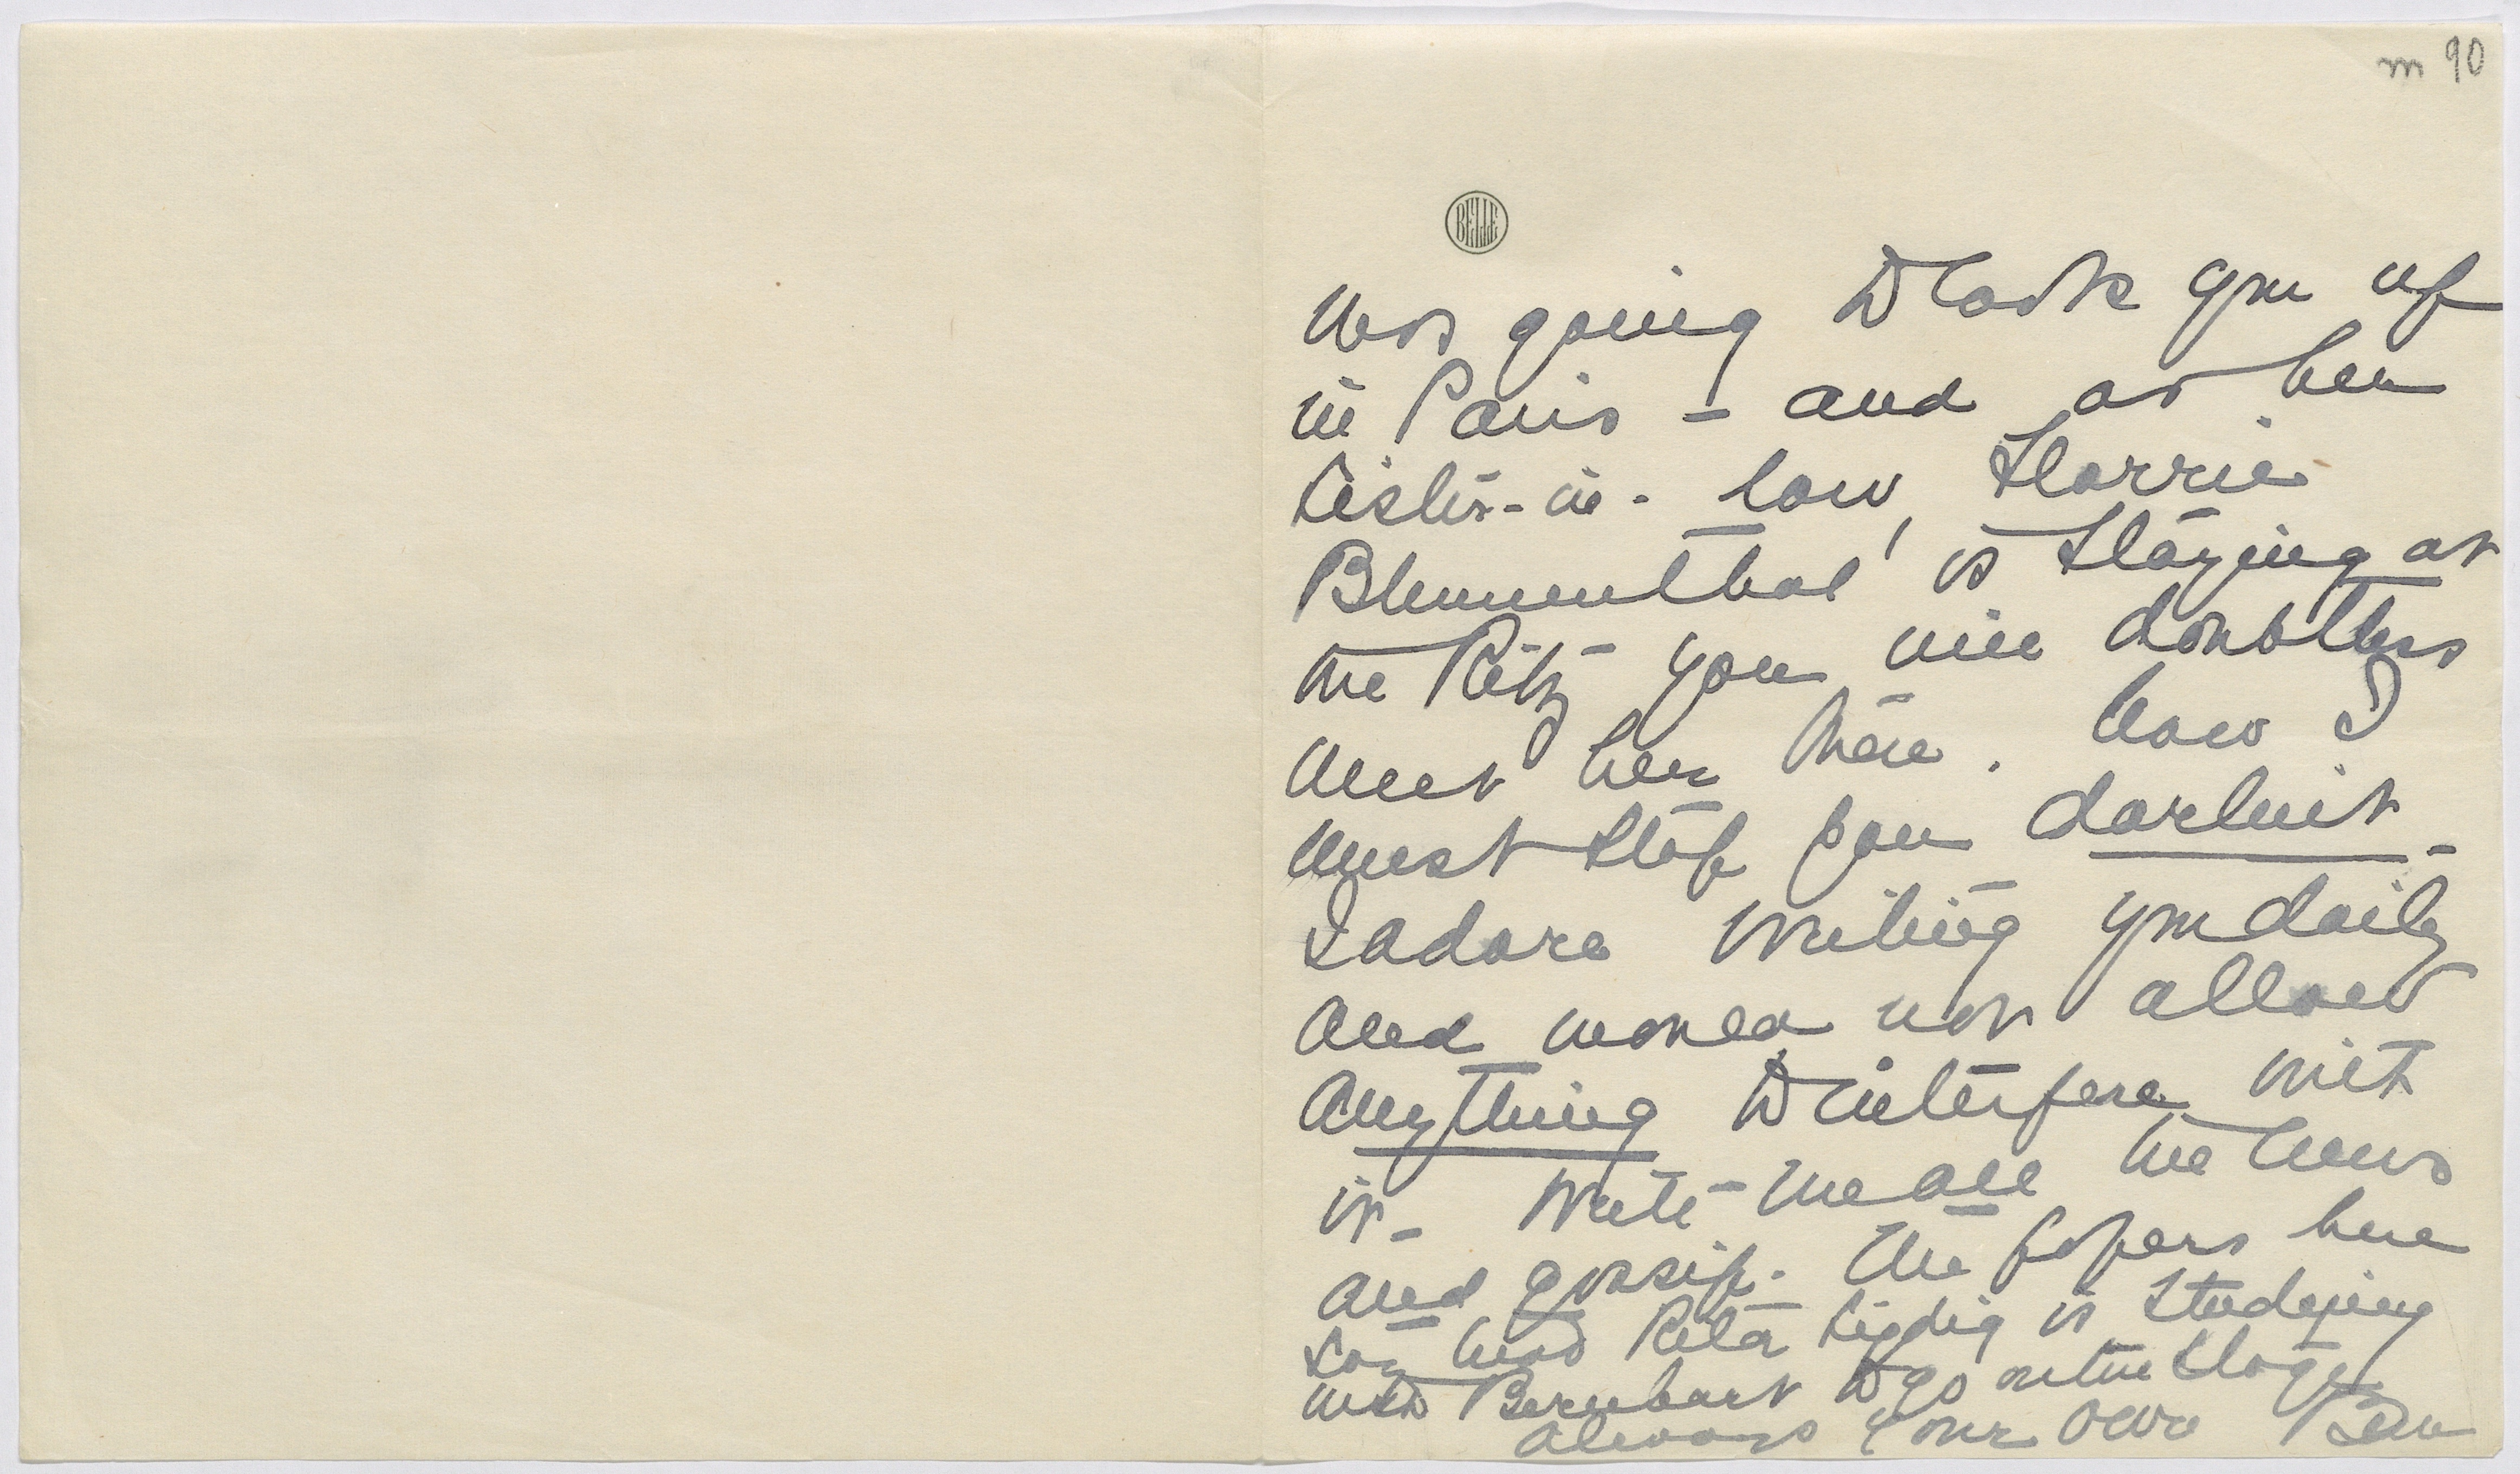was going to look you up in Paris – and as her sister-in-law, Florrie Blumenthal is staying at the Ritz you will doubtless meet her there. How I must stop you darlint – I adore writing you daily and would not allow anything to interfere with it – write me all the times and gossip. The papers here say that Rita Lydig is studying with Berubart to fo on the stage
Always your ever Belle